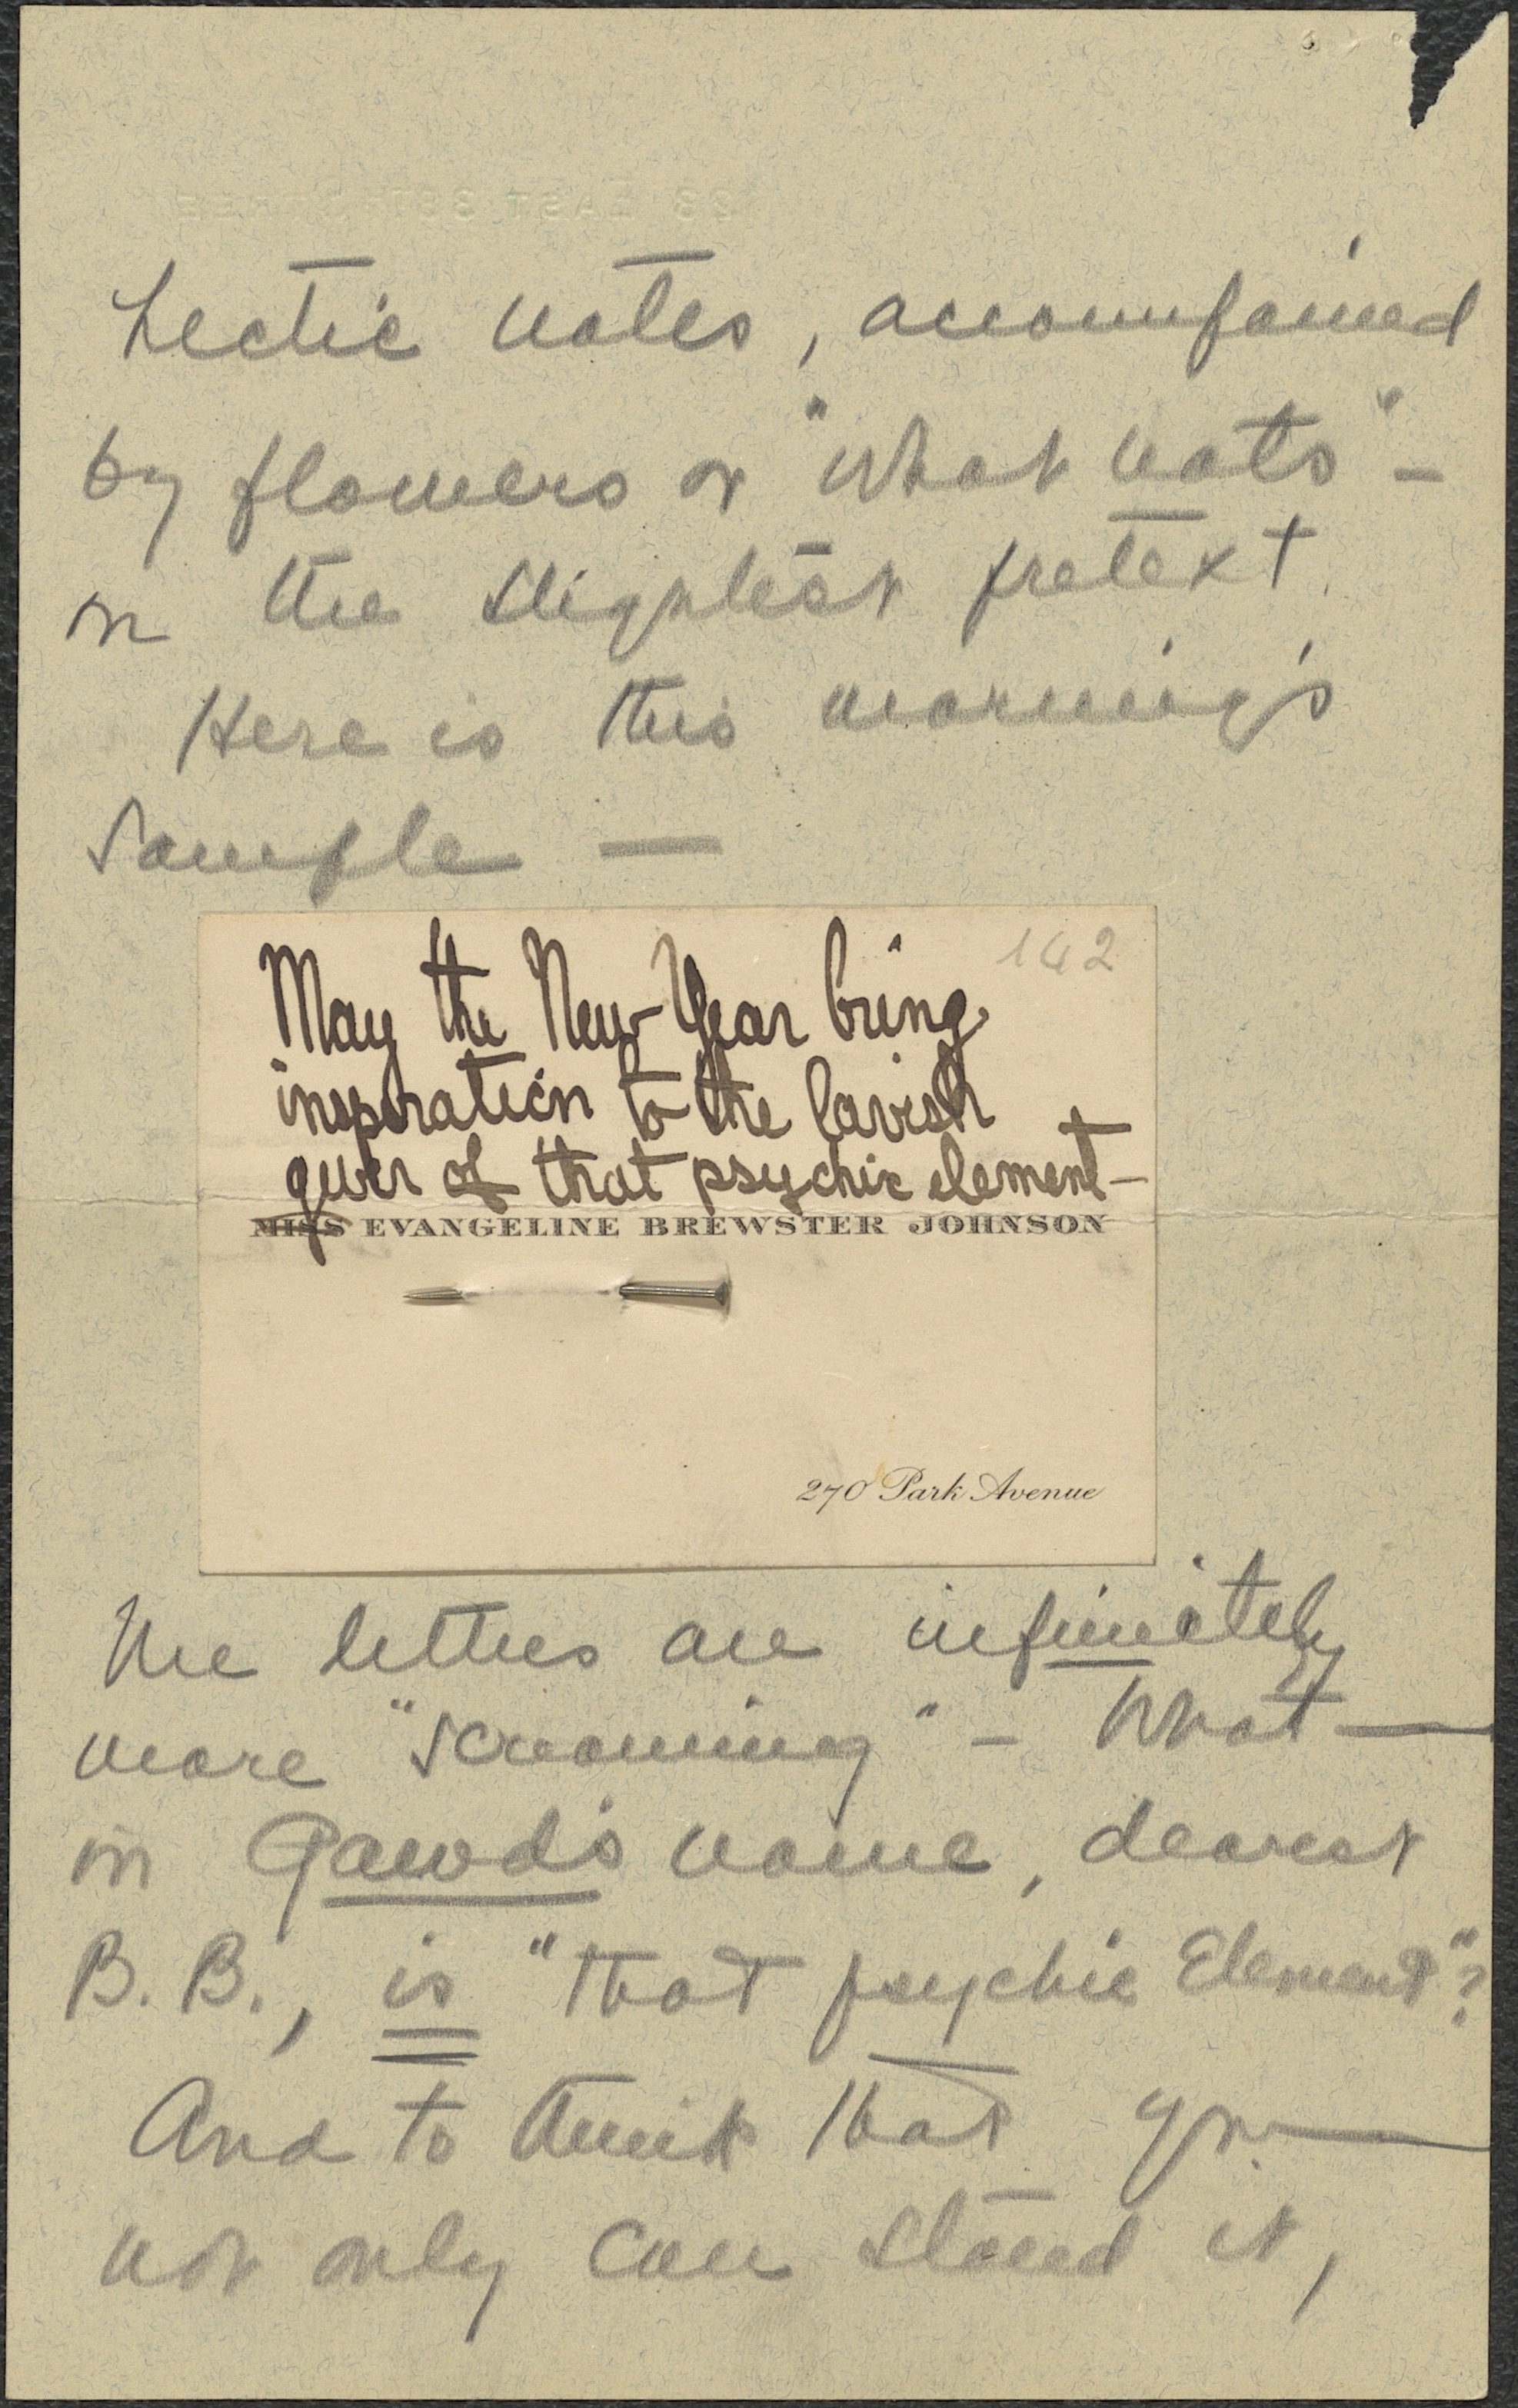hectic notes, accompanied by flowers or "what nots" – on the slightest pretext
Here is this morning's sample –
[On a card monogrammed "Miss Evangeline Brewster Johnson / 270 Park Avenue": May the New Year bring inspiration to the lavish giver of that psychic element –]
The letters are infinitely more "screaming" – What – in Gawd's name, dearest B.B., [double underlined: is] "that psychic element"?
And to think that you not only can stand it,